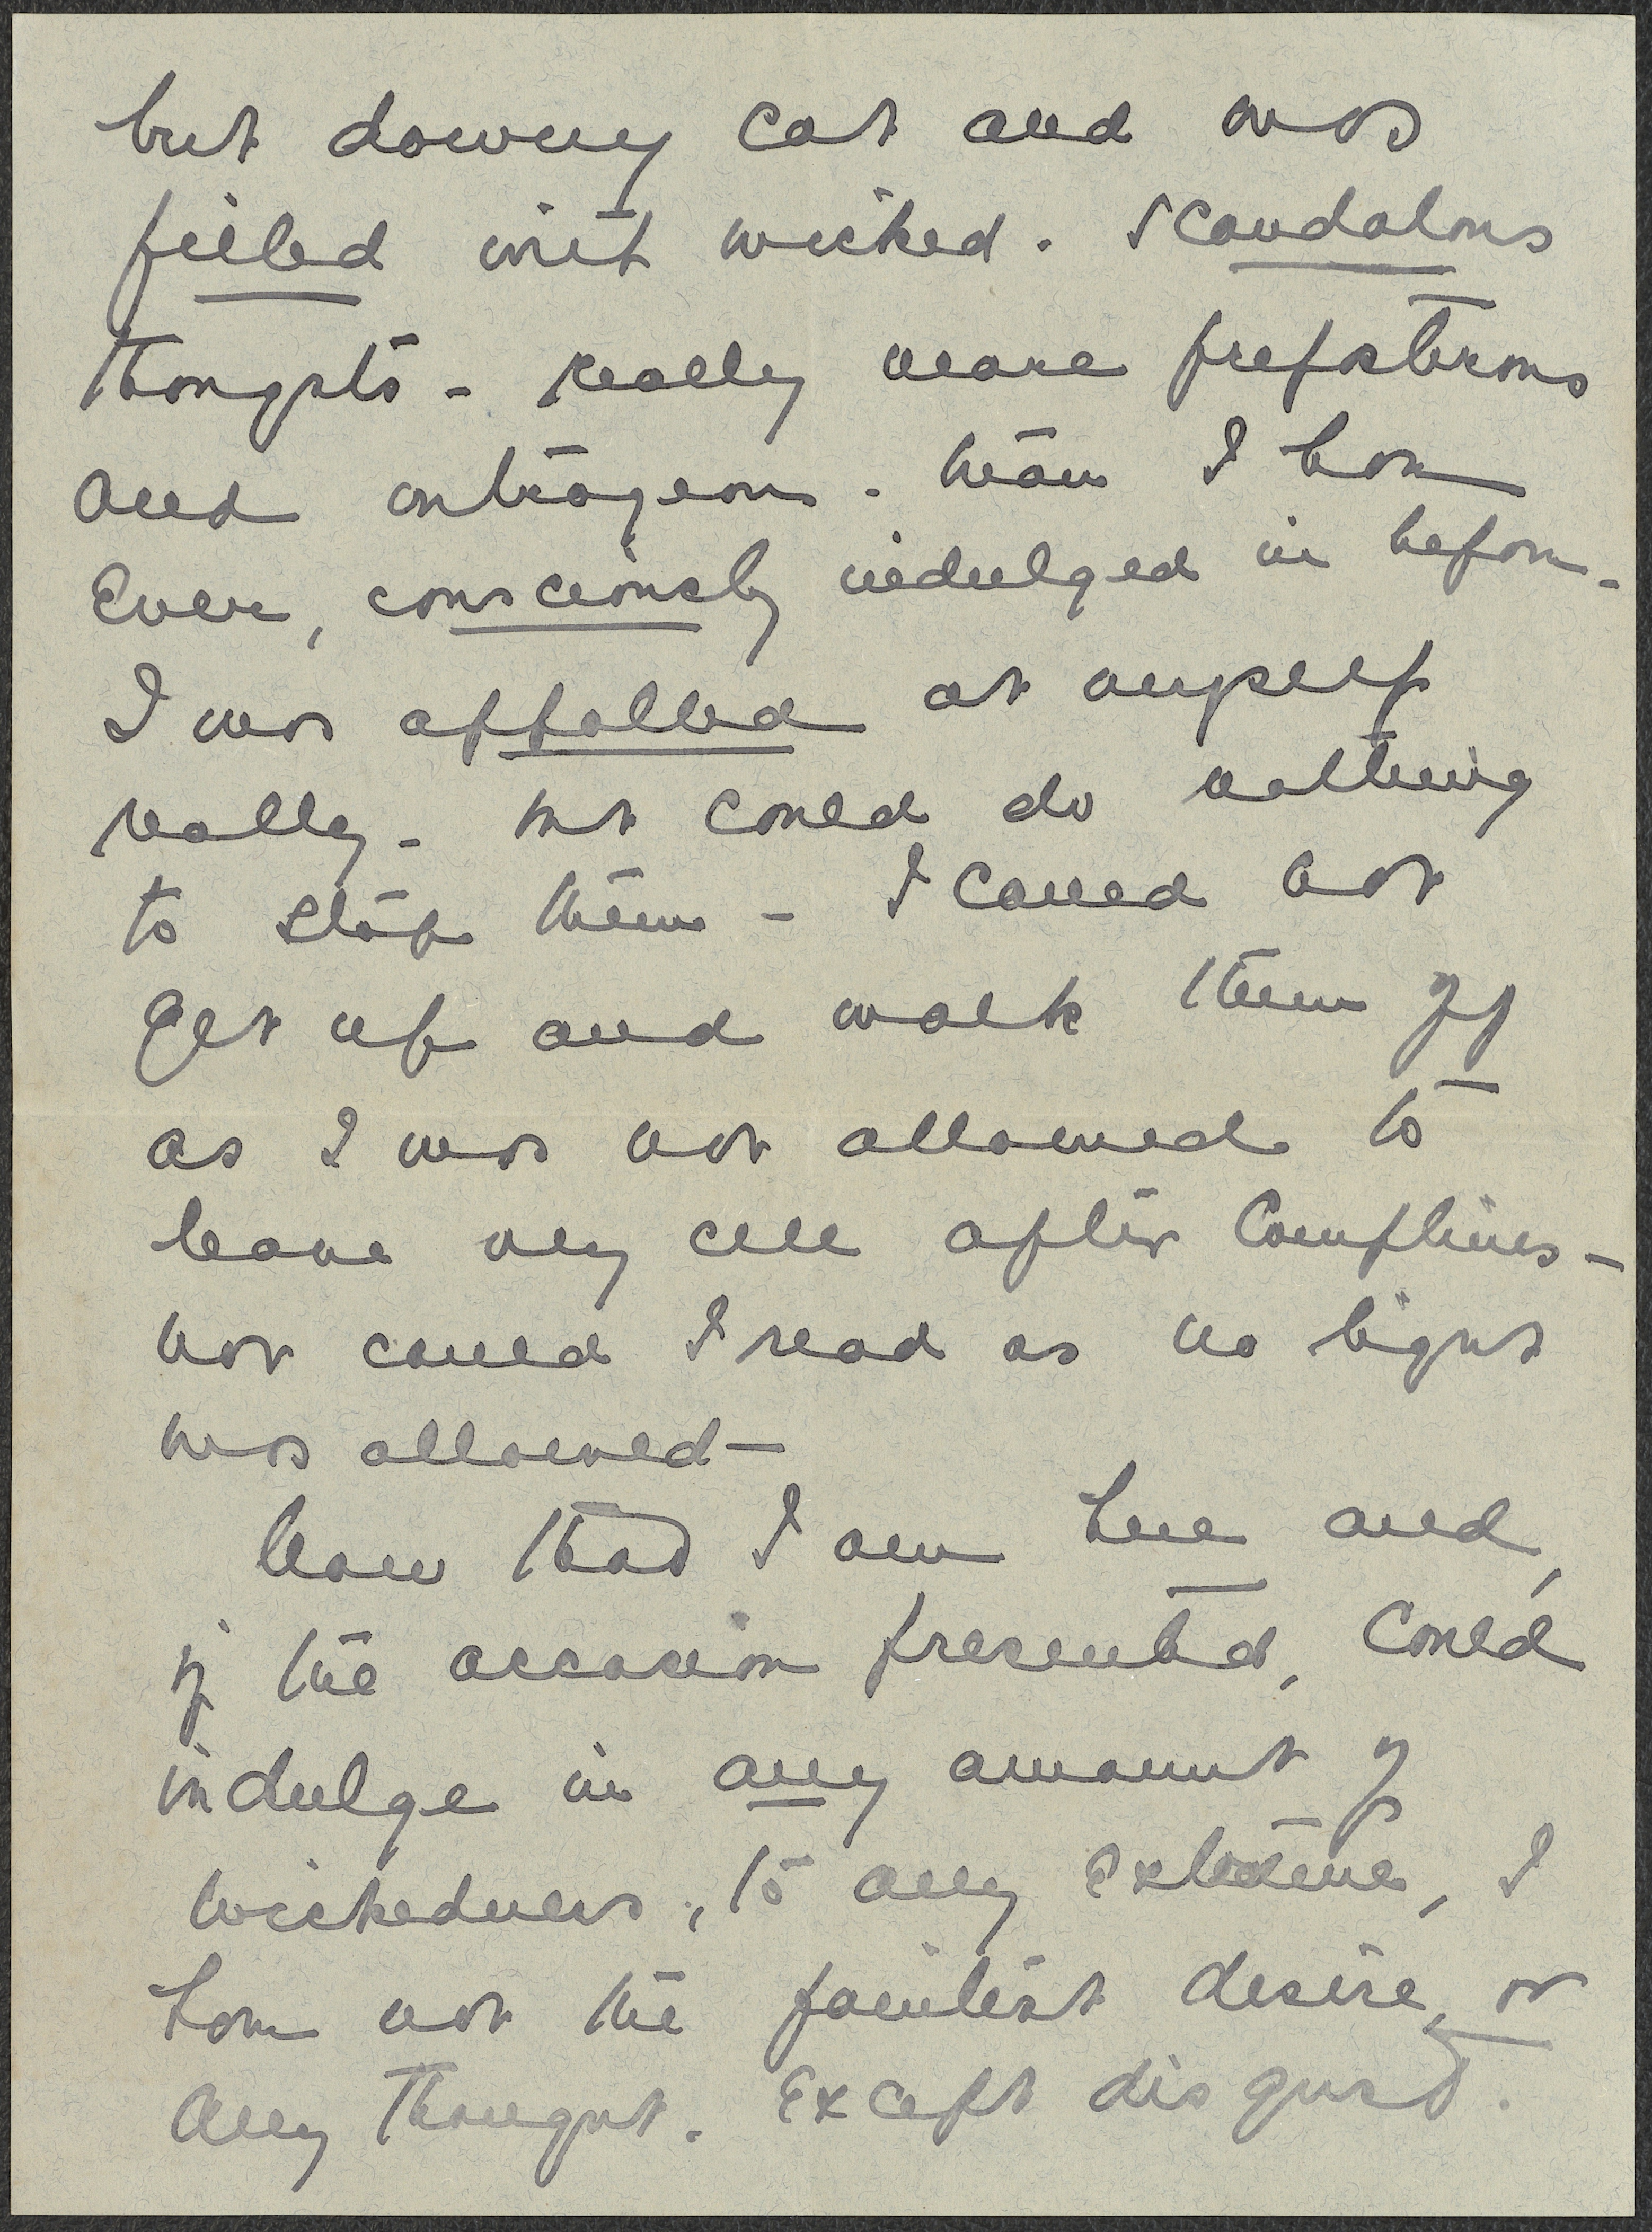but downy cat and was filled with wicked, scandalous thoughts – really more preposterous and outrageous – than I have ever, consciously indulged in before – I was appalled at myself really – but could do nothing to stop them – I could not get up and walk them off as I was not allowed to leave my cell after Complines – nor could I read as no light was allowed –
Now that I am here and, if the occasion presented, could indulge in any amount of wickedness, to any extreme, I have not the faintest desire, or any thought, except disgust.